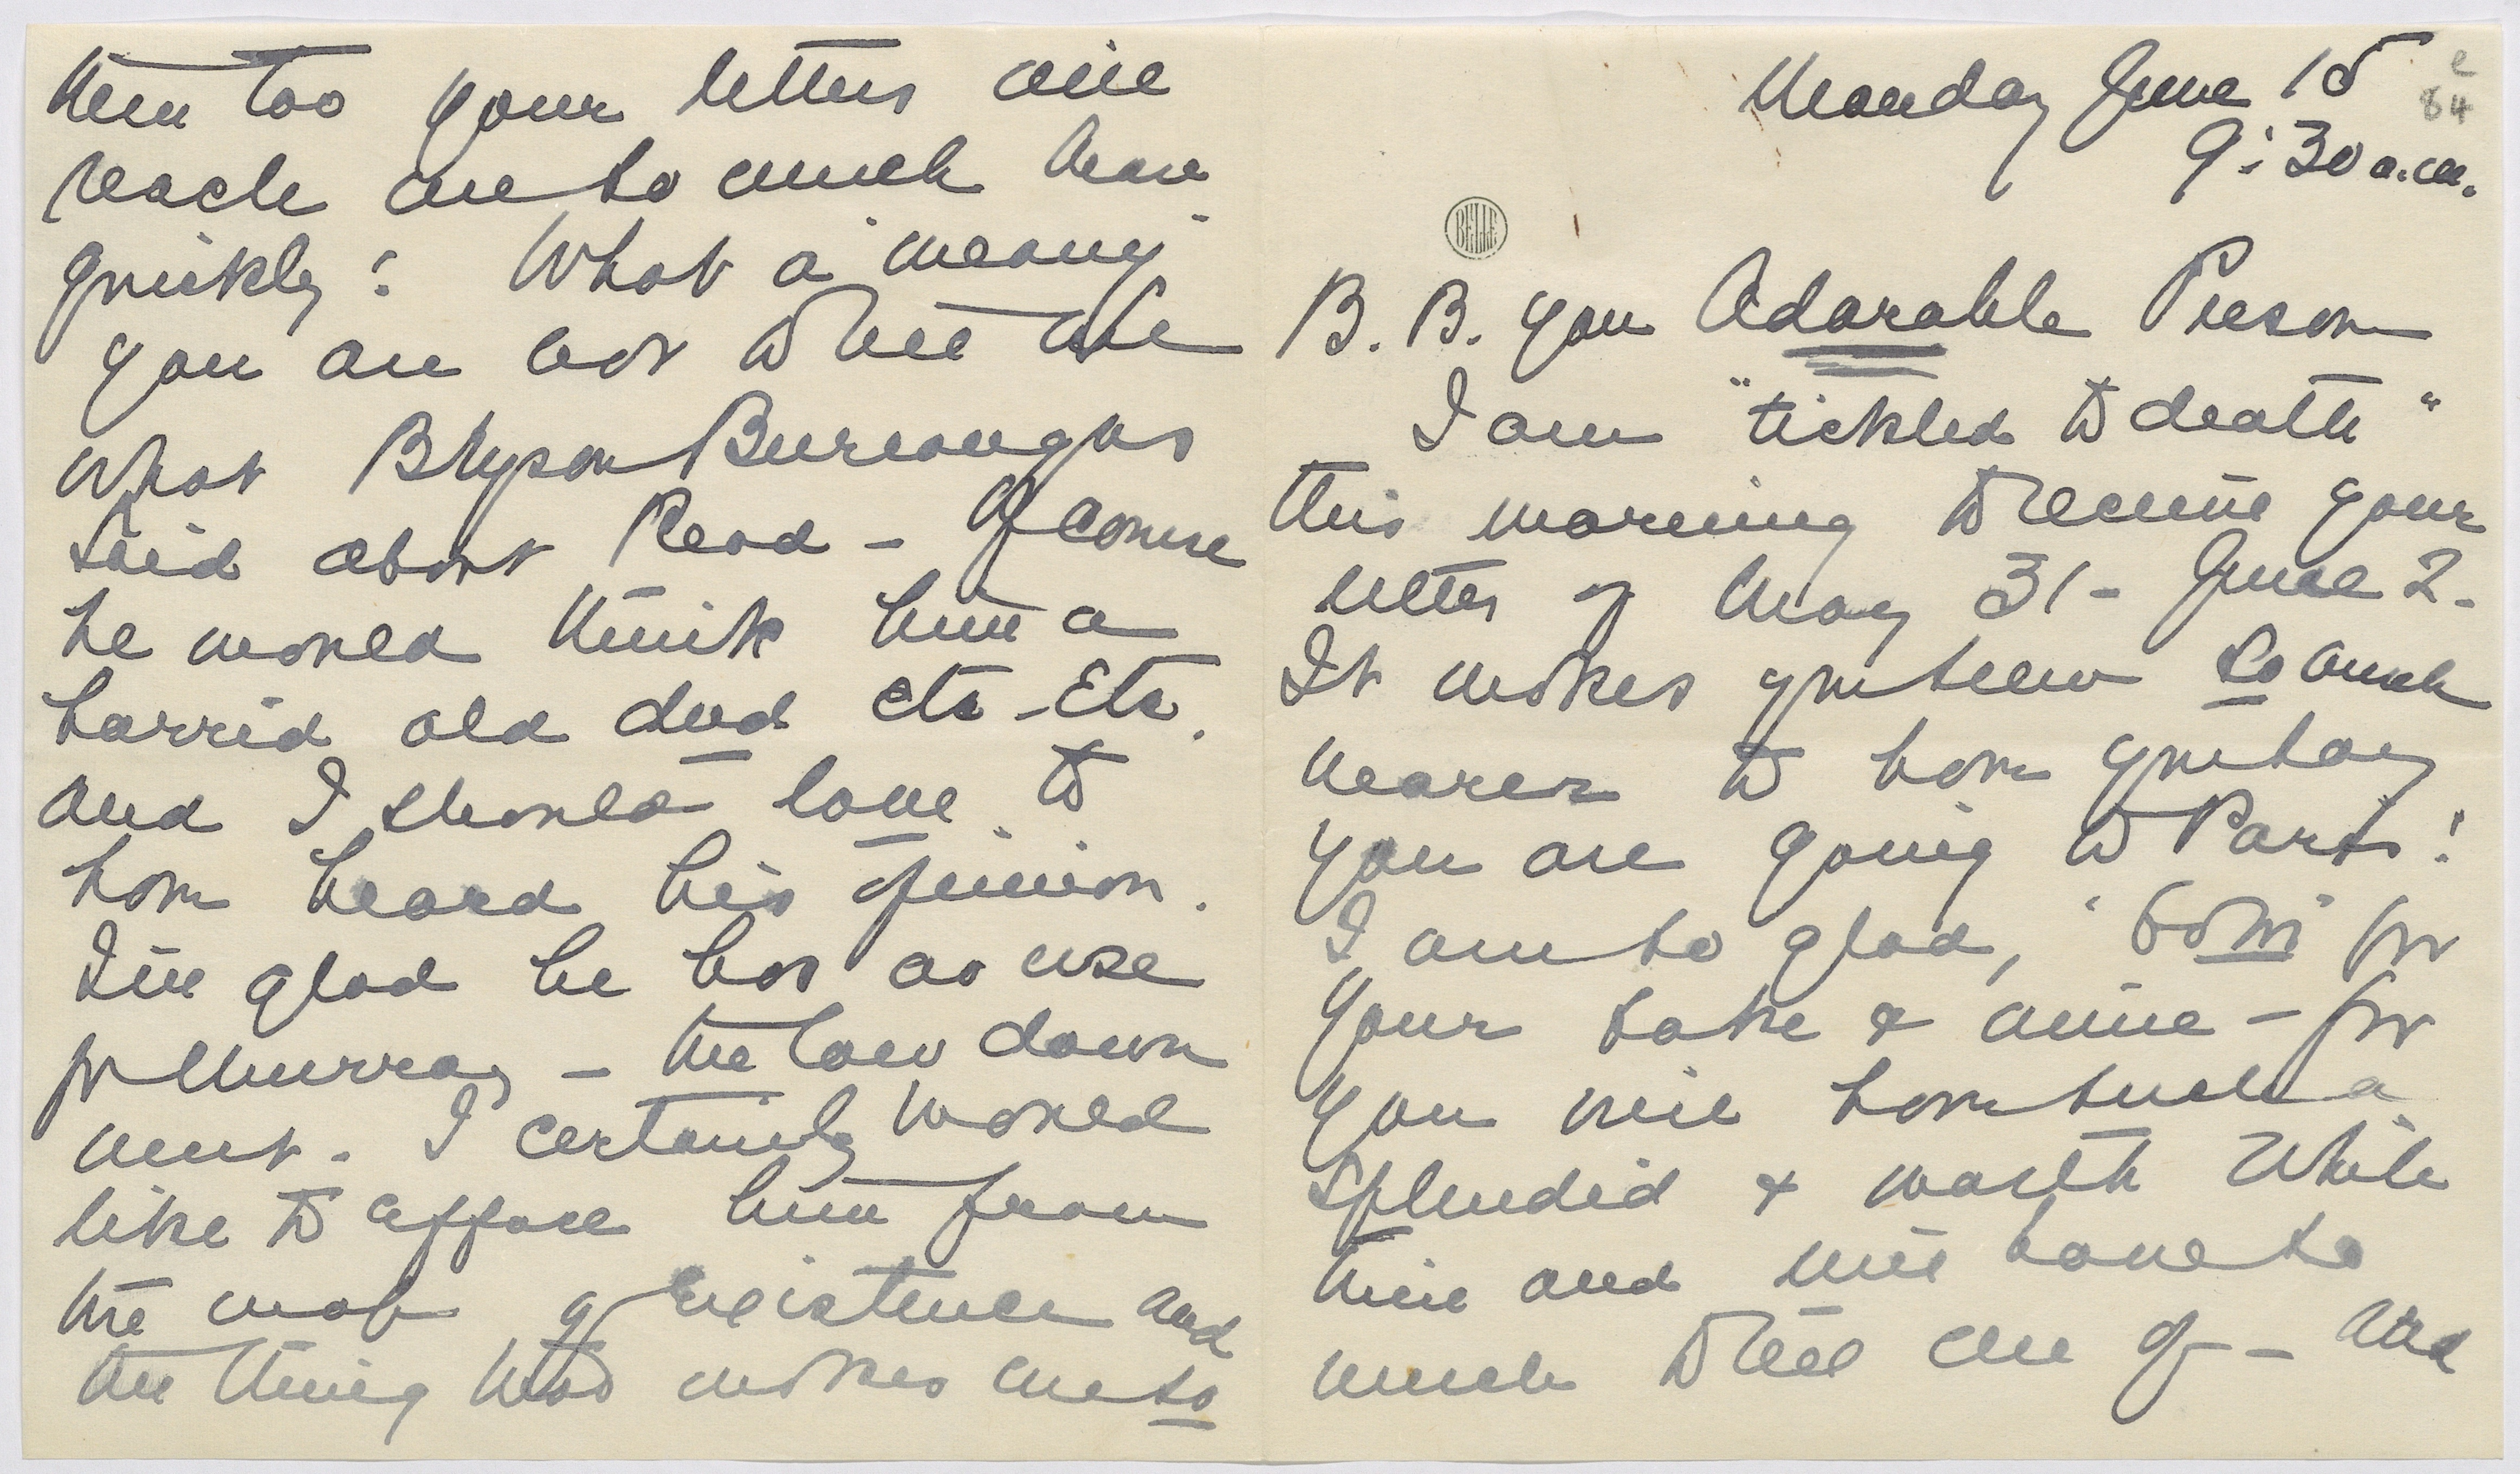Monday, June 15, 9:30 a.m.
B. B. you [double underlined: Adorable] Person –
I am “tickled to death” this morning to recieve your letter of May 31 – June 2 – It makes you seem so much nearer to have you say you are going to Paris! I am so glad, both for your sake & mine – for you will have such a splendid & worth while time and will have so much to tell me of – and
then too your letters will reach me so much more quickly! What a meany you are not to tell me what Blyson Burreaughs said about Read – of course he would think him a horrid old dud etc. etc. and I should love to have heard his opinion. I’m glad he has no use for Murray – the low down next – I certainly would like to efface him from the map of existence and the thing that makes me so